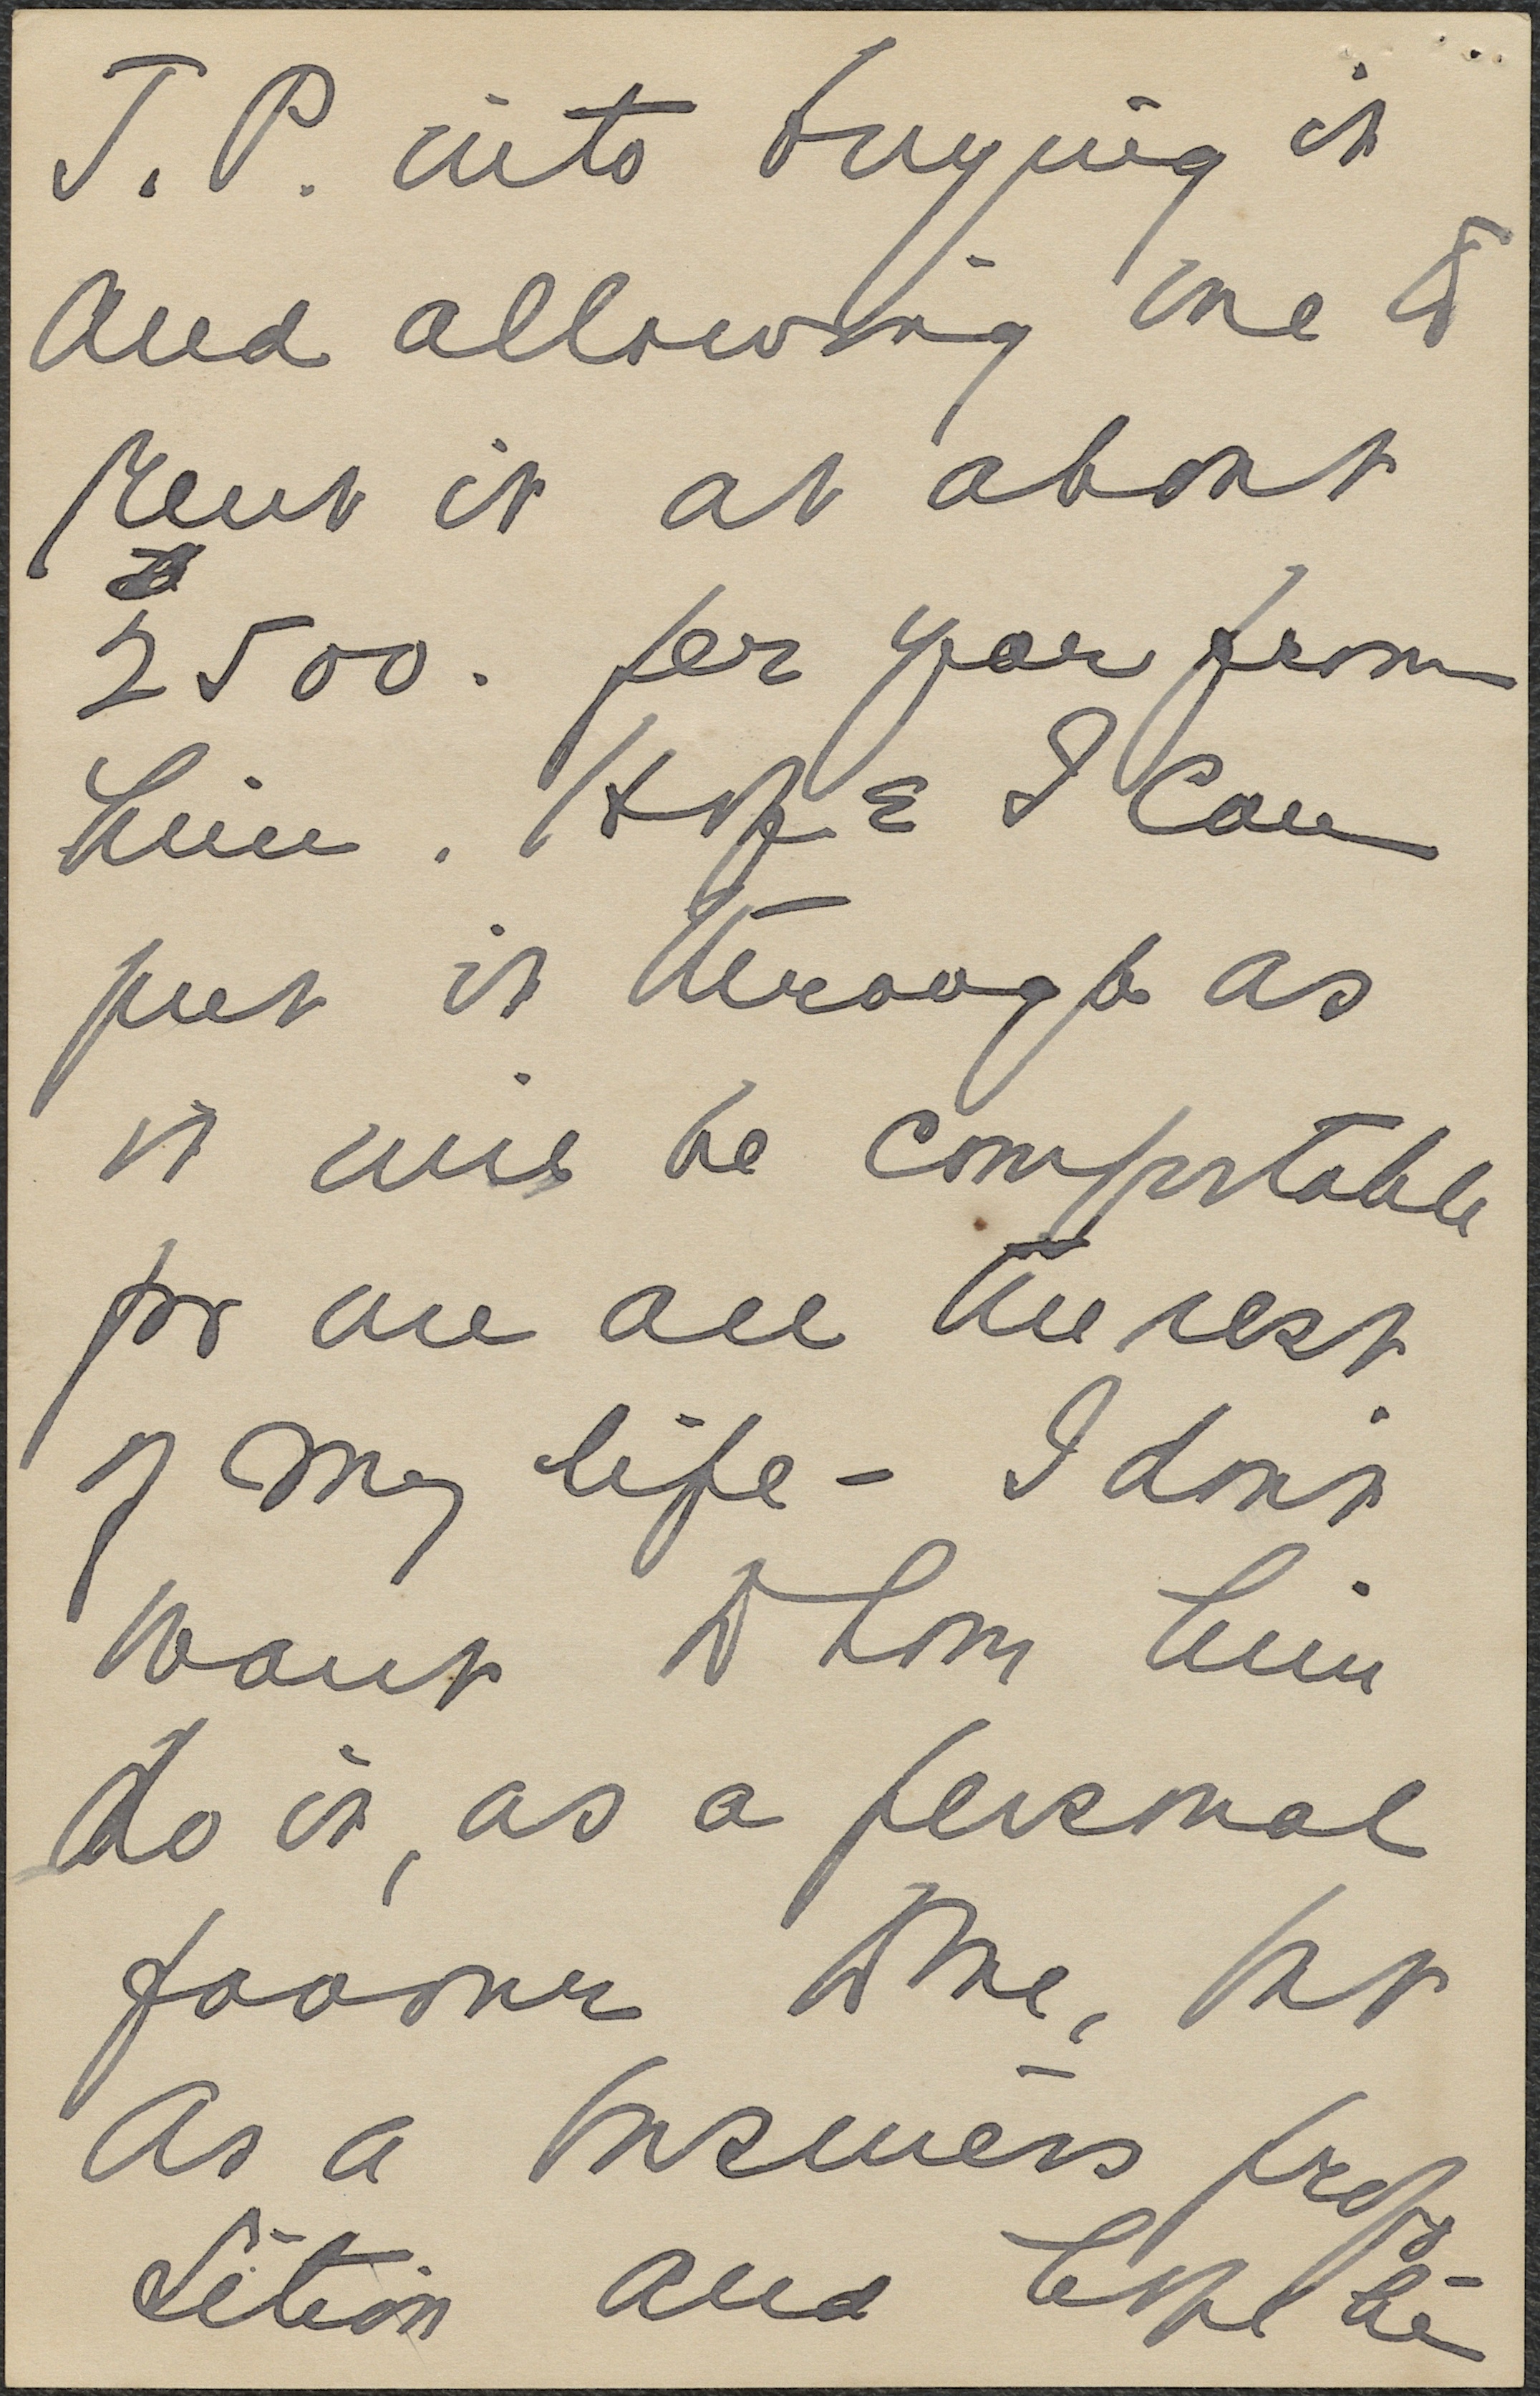J. P. into buying it and allowing me to rent it at about $2500. per year from him. Hope I can put it through as it will be comfortable for me all the rest of my life – I don’t want to have him do it, as a personal favour to me, but as a business proposition and hope he